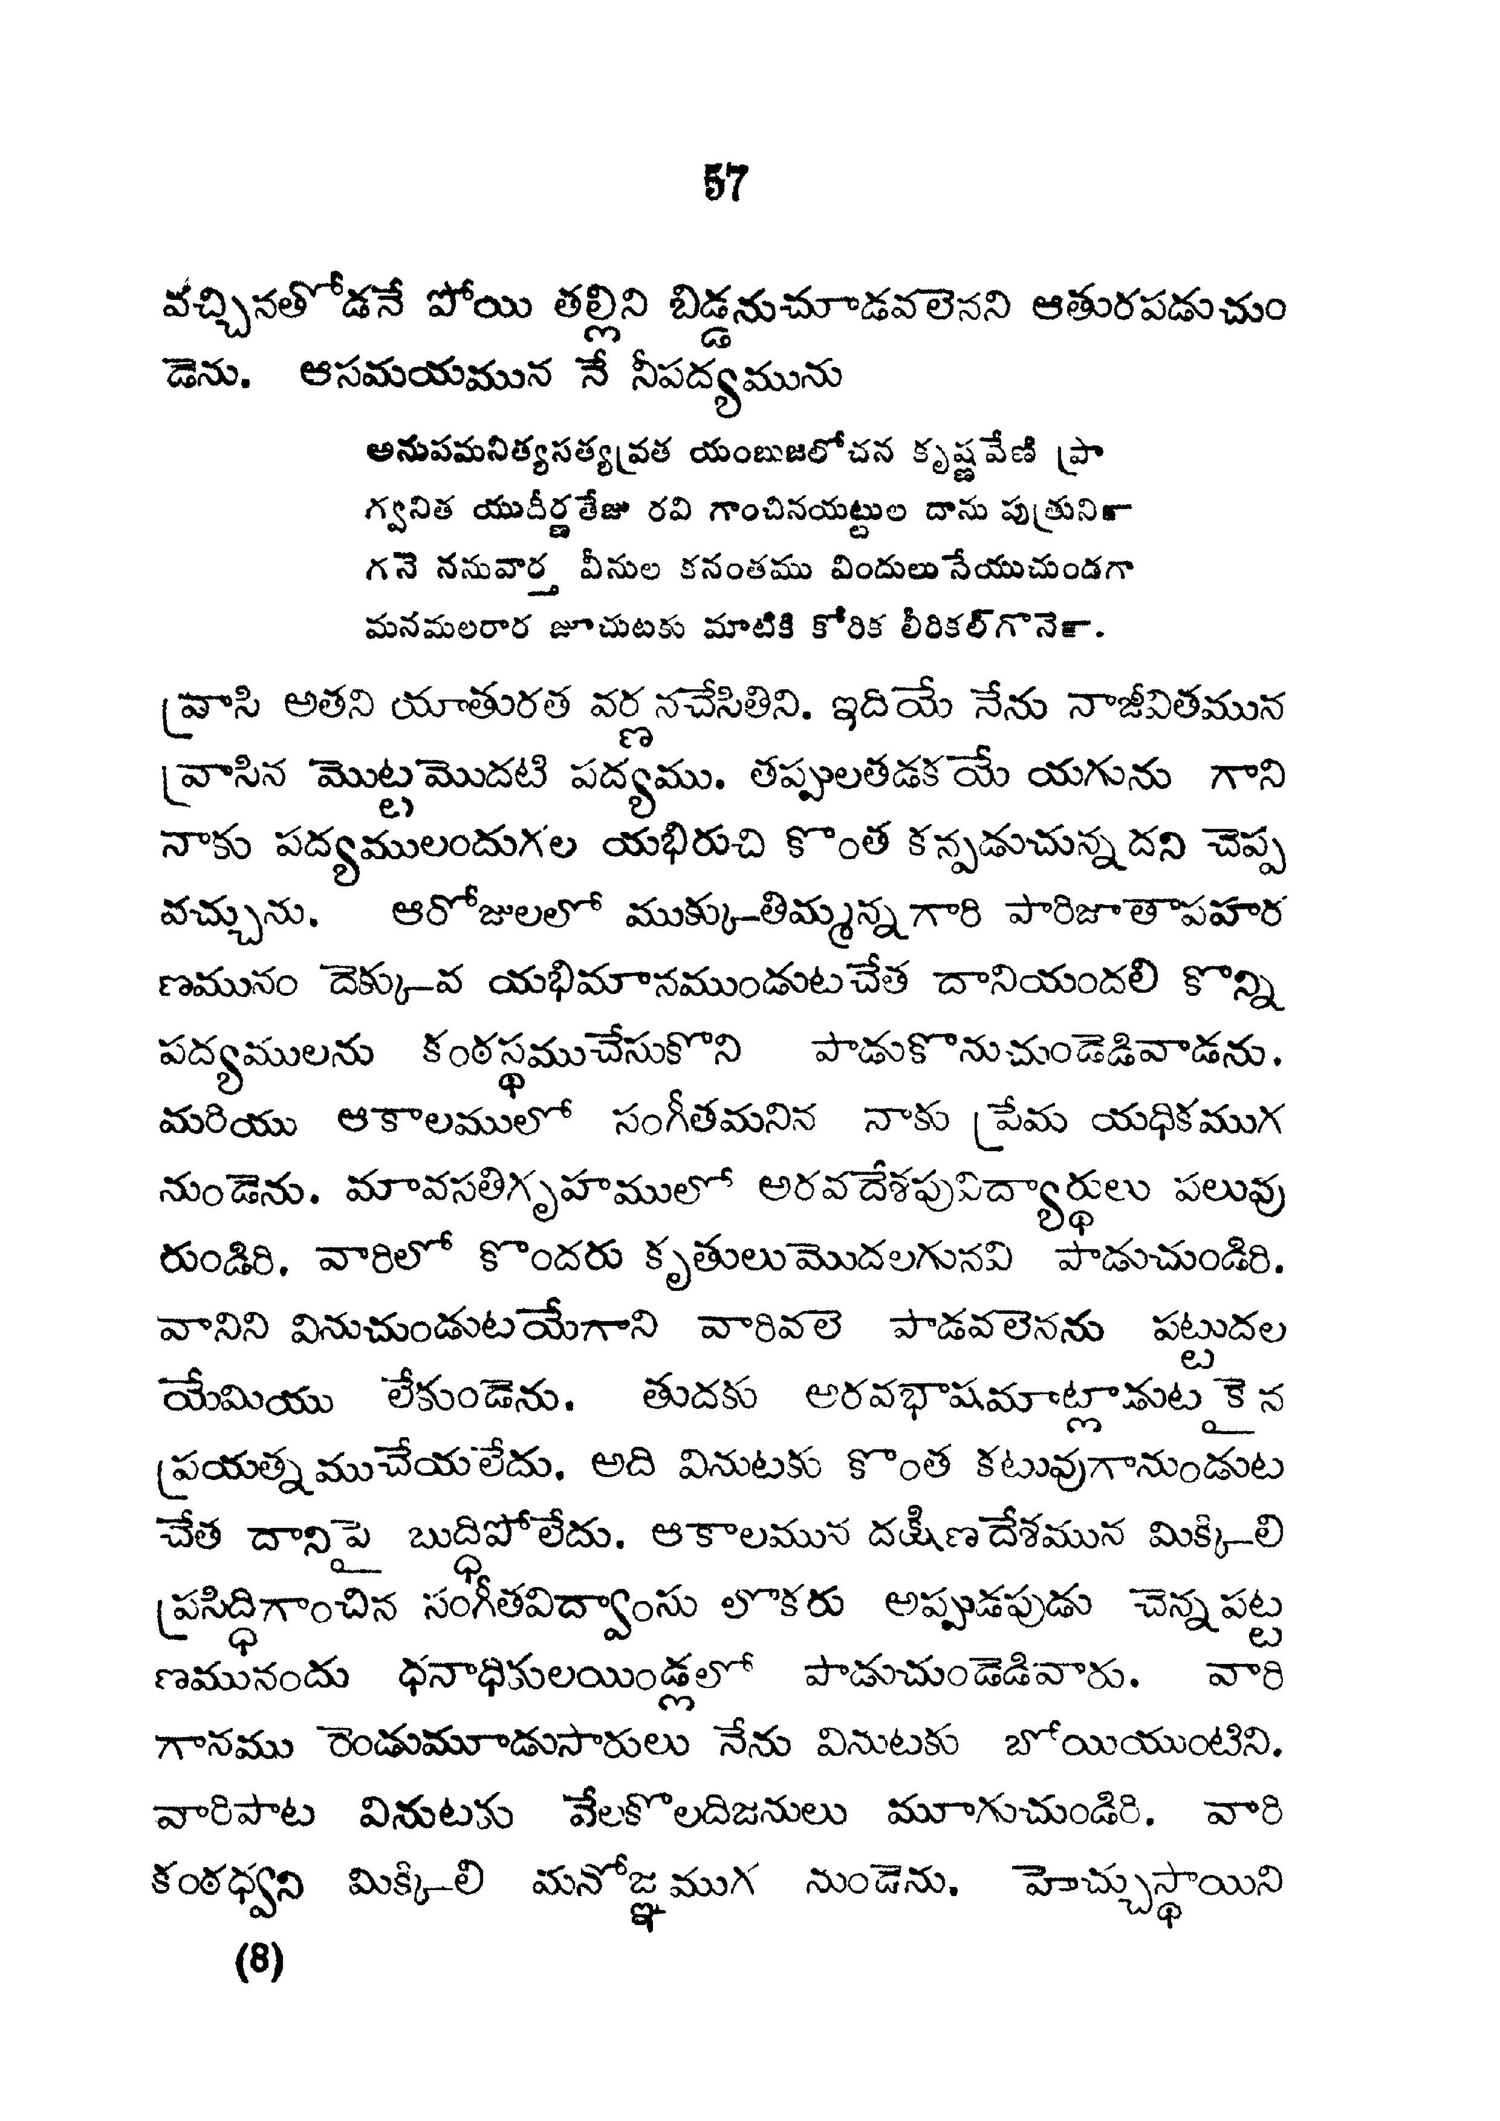వచ్చినతోడనే పోయి తల్లిని బిడ్డనుచూడవలెనని ఆతురపడుచుండెను. ఆసమయమున నే నీపద్యమును

 అనుపమనిత్యసత్యవ్రత యంబుజలోచన కృష్ణవేణి ప్రా
 గ్వనిత యుదీర్ణతేజు రవి గాంచినయట్టుల దాను పుత్రునిన్
 గనె ననువార్త వీనుల కనంతము విందులుసేయుచుండగా
 మనమలరార జూచుటకు మాటికి కోరిక లీరికల్‌గొనెన్.

వ్రాసి అతని యాతురత వర్ణనచేసితిని. ఇదియే నేను నాజీవితమున వ్రాసిన మొట్టమొదటి పద్యము. తప్పులతడకయే యగును గాని నాకు పద్యములందుగల యభిరుచి కొంత కన్పడుచున్నదని చెప్పవచ్చును. ఆరోజులలో ముక్కుతిమ్మన్న గారి పారిజాతాపహరణమునం దెక్కువ యభిమానముండుటచేత దానియందలి కొన్ని పద్యములను కంఠస్థముచేసుకొని పాడుకొనుచుండెడివాడను. మరియు ఆకాలములో సంగీతమనిన నాకు ప్రేమ యధికముగ నుండెను. మావసతిగృహములో అరవదేశపువిద్యార్థులు పలువురుండిరి. వారిలో కొందరు కృతులుమొదలగునవి పాడుచుండిరి. వానిని వినుచుండుటయేగాని వారివలె పాడవలెనను పట్టుదల యేమియు లేకుండెను. తుదకు అరవభాషమాట్లాడుటకైన ప్రయత్నముచేయలేదు. అది వినుటకు కొంత కటువుగానుండుటచేత దానిపై బుద్ధిపోలేదు. ఆకాలమున దక్షిణదేశమున మిక్కిలి ప్రసిద్ధిగాంచిన సంగీతవిద్వాంసు లొకరు అప్పుడపుడు చెన్నపట్టణమునందు ధనాధికులయిండ్లలో పాడుచుండెడివారు. వారి గానము రెండుమూడుసారులు నేను వినుటకు బోయియుంటిని. వారిపాట వినుటకు వేలకొలదిజనులు మూగుచుండిరి. వారి కంఠధ్వని మిక్కిలి మనోజ్ఞముగ నుండెను. హెచ్చుస్థాయిని